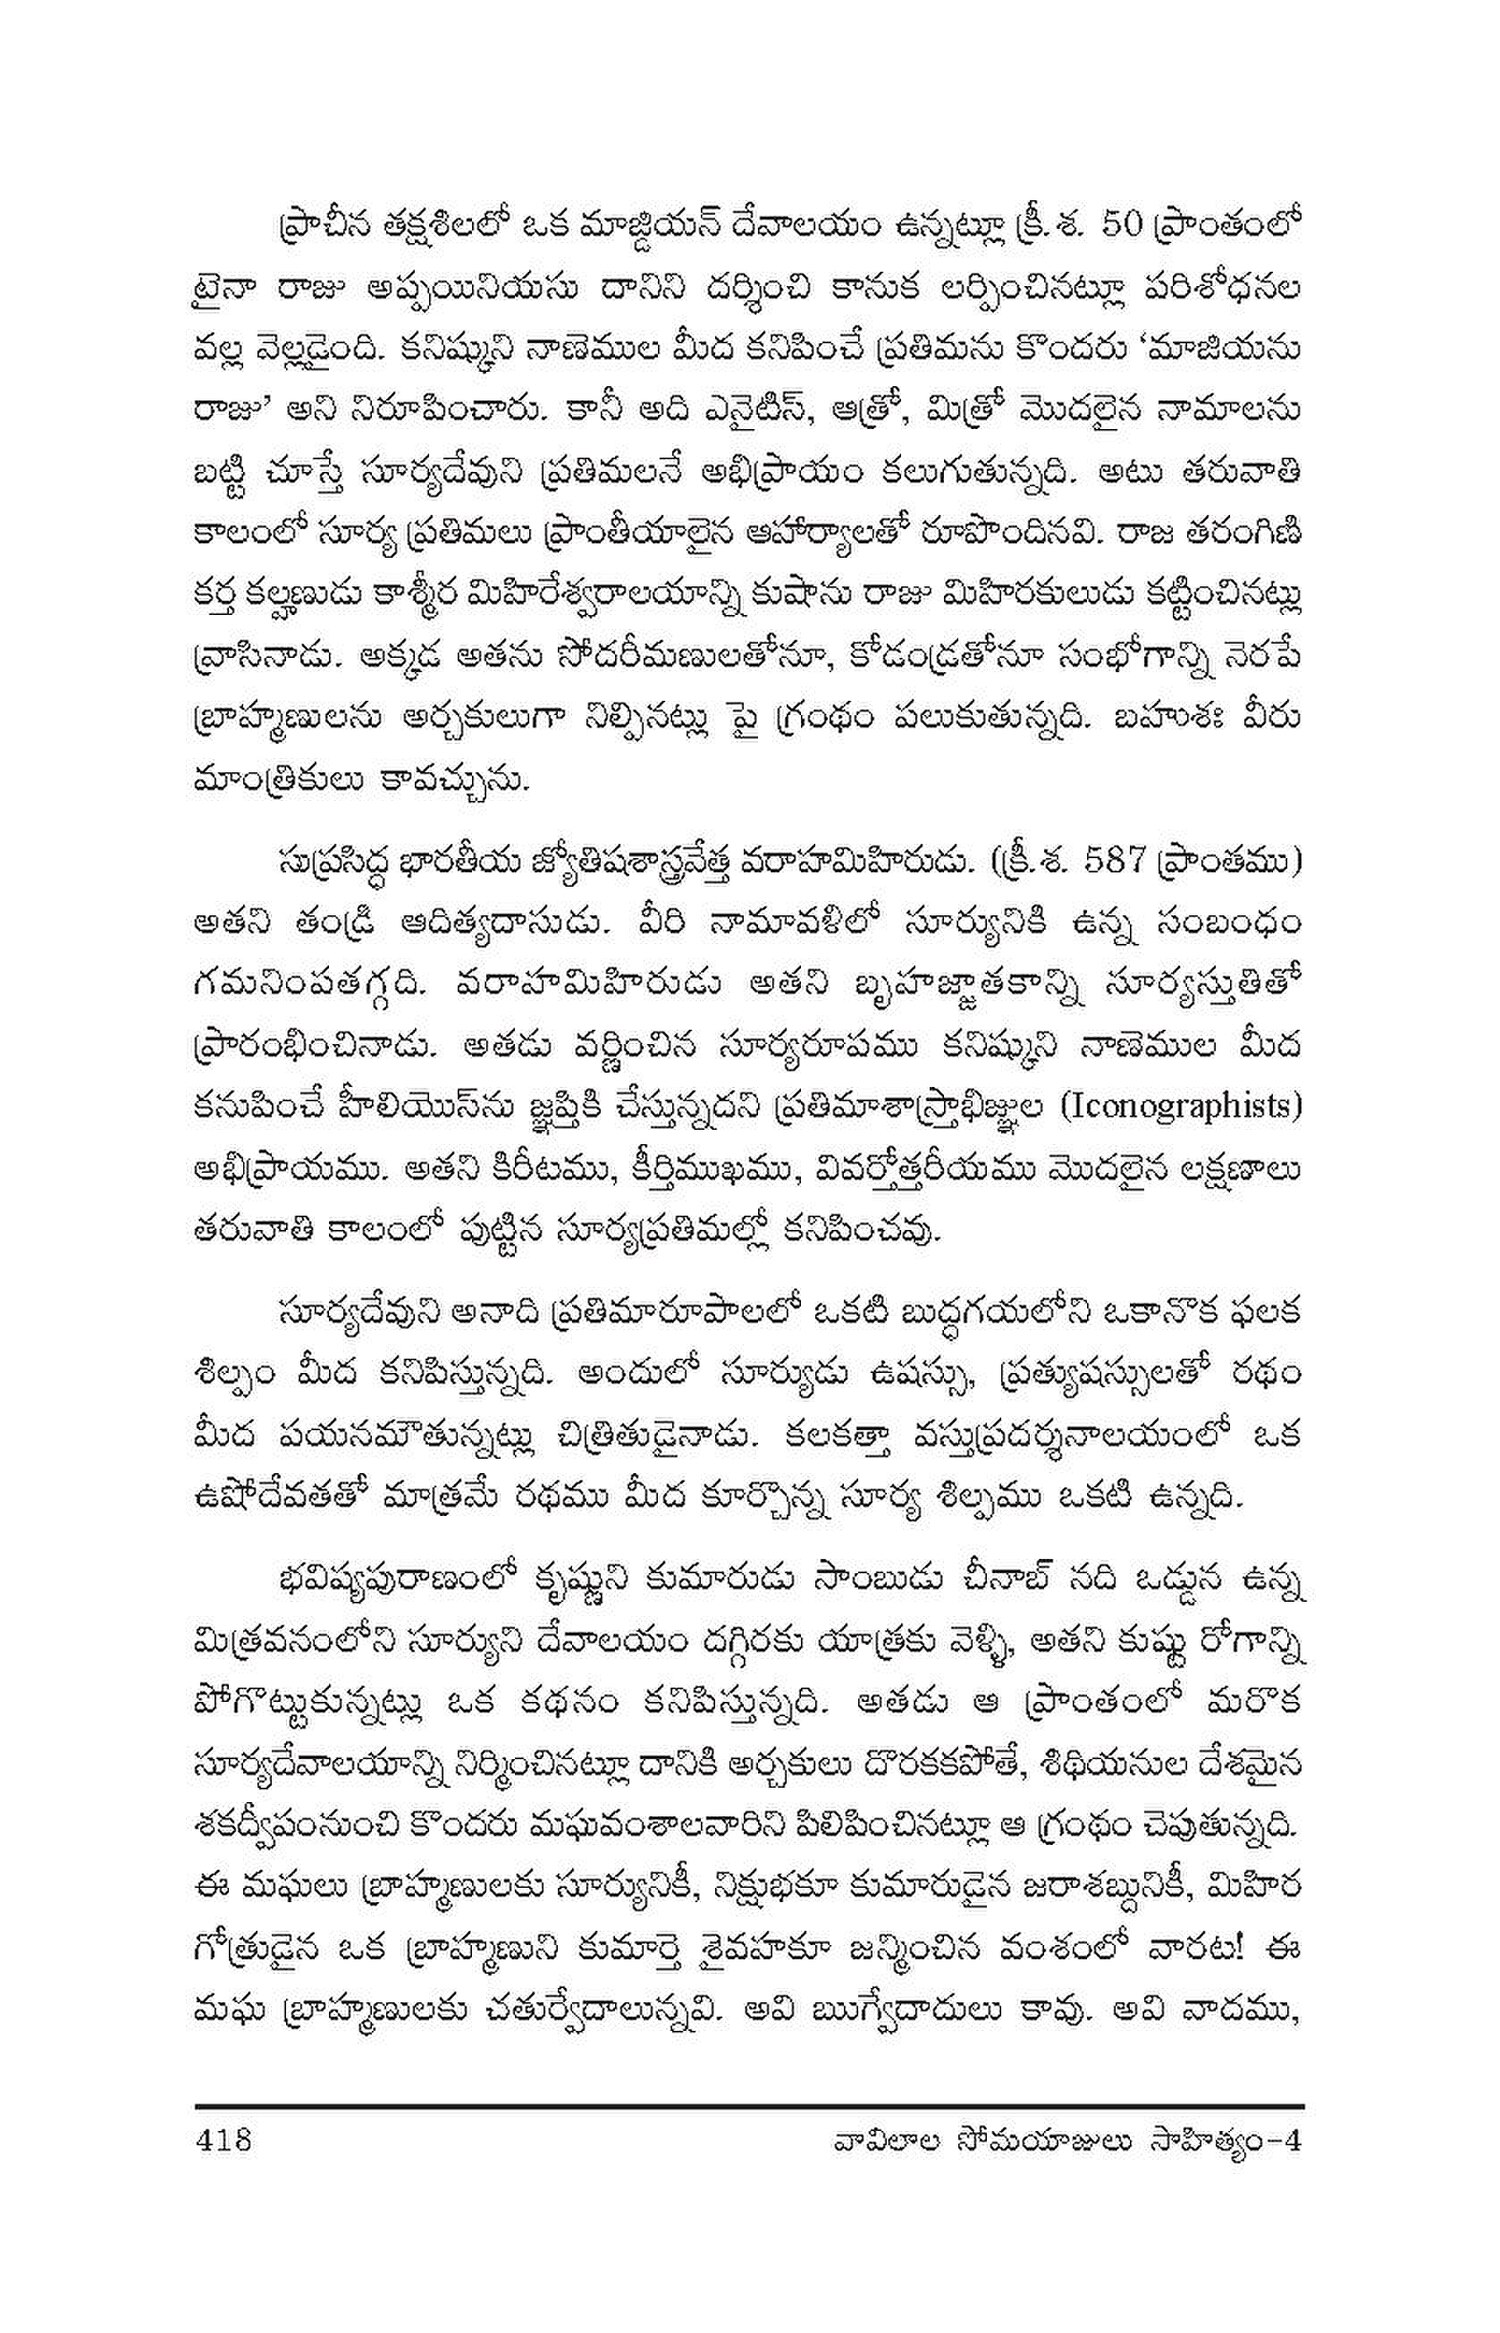ప్రాచీన తక్షశిలలో ఒక మాజియన్ దేవాలయం ఉన్నట్లూ క్రీ.శ. 50 ప్రాంతంలో
టైనా రాజు అప్పయినియసు దానిని దర్శించి కానుక లర్పించినట్లూ పరిశోధనల
వల్ల వెల్లడైంది. కనిష్కుని నాణెముల మీద కనిపించే ప్రతిమను కొందరు 'మాజియను
రాజు' అని నిరూపించారు. కానీ అది ఎనైటిస్, ఆత్రో, మిత్రో మొదలైన నామాలను
బట్టి చూస్తే సూర్యదేవుని ప్రతిమలనే అభిప్రాయం కలుగుతున్నది. అటు తరువాతి
కాలంలో సూర్య ప్రతిమలు ప్రాంతీయాలైన ఆహార్యాలతో రూపొందినవి. రాజ తరంగిణి
కర్త కల్హణుడు కాశ్మీర మిహిరేశ్వరాలయాన్ని కుషాను రాజు మిహిరకులుడు కట్టించినట్లు
వ్రాసినాడు. అక్కడ అతను సోదరీమణులతోనూ, కోడండ్రతోనూ సంభోగాన్ని నెరపే
బ్రాహ్మణులను అర్చకులుగా నిల్పినట్లు పై గ్రంథం పలుకుతున్నది. బహుశః వీరు
మాంత్రికులు కావచ్చును.

సుప్రసిద్ధ భారతీయ జ్యోతిషశాస్త్రవేత్త వరాహమిహిరుడు. (క్రీ.శ. 587 ప్రాంతము)
అతని తండ్రి ఆదిత్యదాసుడు. వీరి నామావళిలో సూర్యునికి ఉన్న సంబంధం
గమనింపతగ్గది. వరాహమిహిరుడు అతని బృహజ్జాతకాన్ని సూర్యస్తుతితో
ప్రారంభించినాడు. అతడు వర్ణించిన సూర్యరూపము కనిష్కుని నాణెముల మీద
కనుపించే హీలియొనన్ను జ్ఞప్తికి చేస్తున్నదని ప్రతిమాశాస్త్రాభిజ్ఞుల (Iconographists)
అభిప్రాయము. అతని కిరీటము, కీర్తిముఖము, వివర్తోత్తరీయము మొదలైన లక్షణాలు
తరువాతి కాలంలో పుట్టిన సూర్యప్రతిమల్లో కనిపించవు.

సూర్యదేవుని అనాది ప్రతిమారూపాలలో ఒకటి బుద్ధగయలోని ఒకానొక ఫలక
శిల్పం మీద కనిపిస్తున్నది. అందులో సూర్యుడు ఉషస్సు, ప్రత్యుషస్సులతో రథం
మీద పయనమౌతున్నట్లు చిత్రితుడైనాడు. కలకత్తా వస్తుప్రదర్శనాలయంలో ఒక
ఉషోదేవతతో మాత్రమే రథము మీద కూర్చొన్న సూర్య శిల్పము ఒకటి ఉన్నది.

భవిష్యపురాణంలో కృష్ణుని కుమారుడు సాంబుడు చీనాబ్ నది ఒడ్డున ఉన్న
మిత్రవనంలోని సూర్యుని దేవాలయం దగ్గిరకు యాత్రకు వెళ్ళి, అతని కుష్టు రోగాన్ని
పోగొట్టుకున్నట్లు ఒక కథనం కనిపిస్తున్నది. అతడు ఆ ప్రాంతంలో మరొక
సూర్యదేవాలయాన్ని నిర్మించినట్లు దానికి అర్చకులు దొరకకపోతే, శిథియనుల దేశమైన
శకద్వీపంనుంచి కొందరు మఘవంశాలవారిని పిలిపించినట్లు ఆ గ్రంథం చెపుతున్నది.
ఈ మఘలు బ్రాహ్మణులకు సూర్యునికీ, నిక్షుభకూ కుమారుడైన జరాశబ్ధునికీ, మిహిర
గోత్రుడైన ఒక బ్రాహ్మణుని కుమార్తె శైవహకూ జన్మించిన వంశంలో వారట! ఈ
మఘ బ్రాహ్మణులకు చతుర్వేదాలున్నవి. అవి ఋగ్వేదాదులు కావు. అవి వాదము,